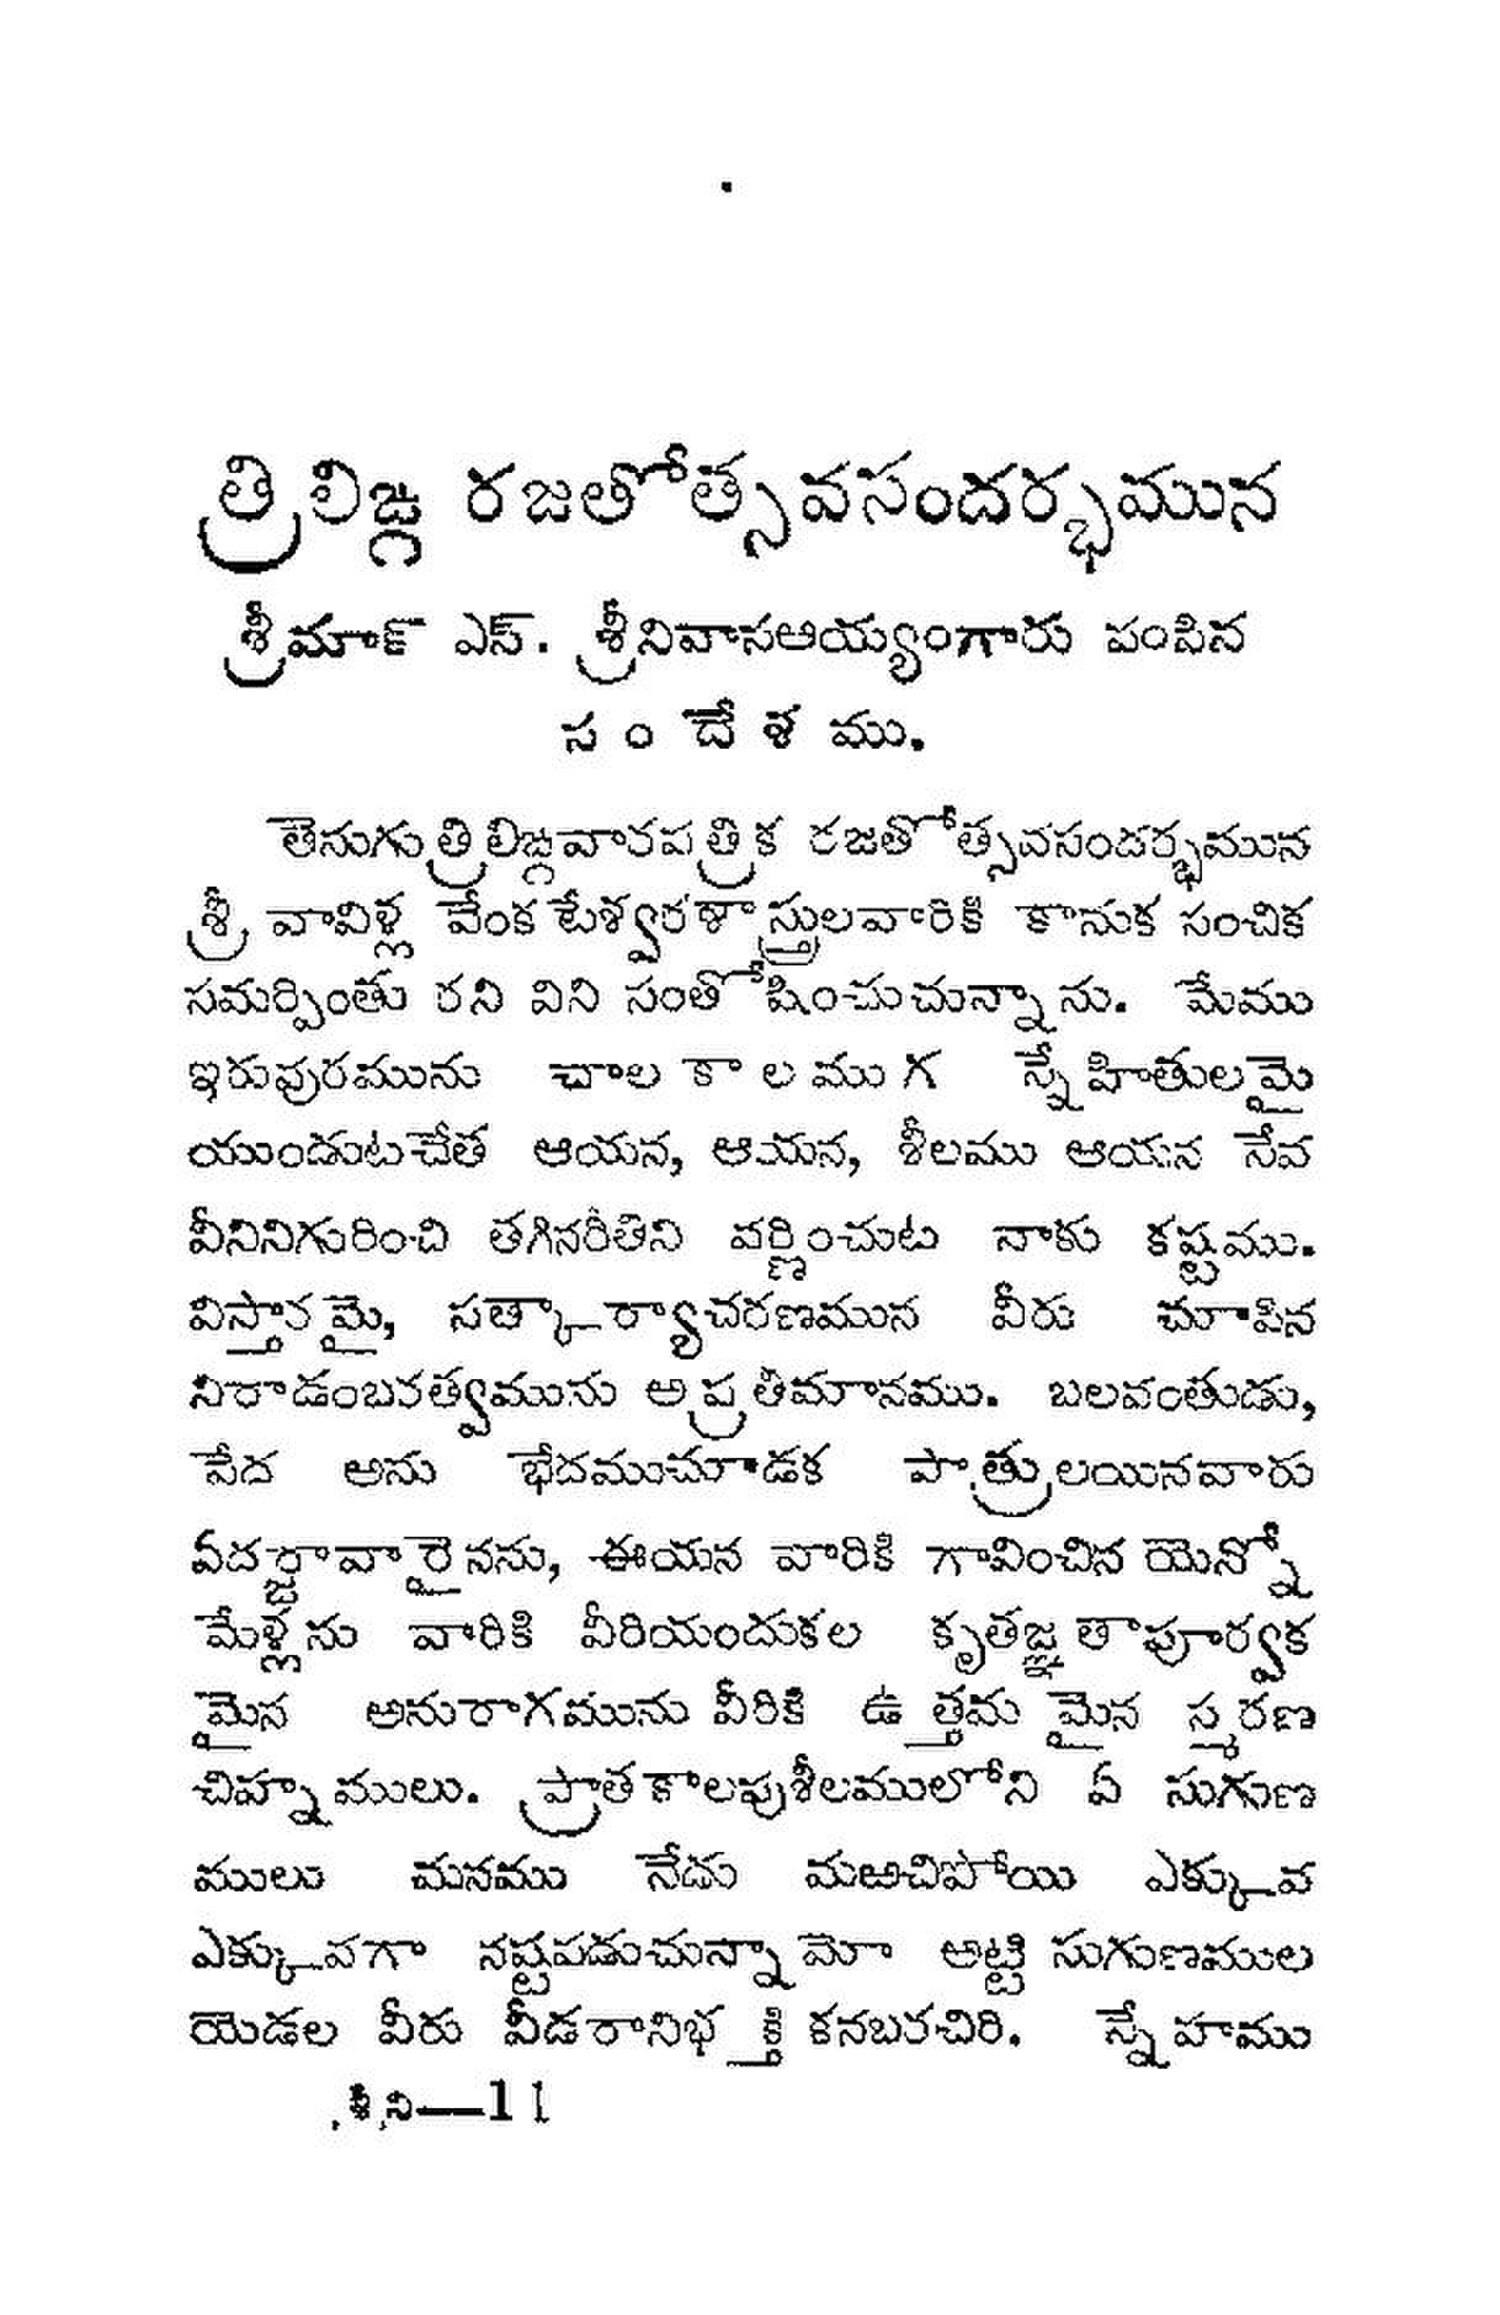త్రిలిఙ్గ రజతోత్సవసందర్భమున 
శ్రీమా౯ ఎస్. శ్రీనివాసఆయ్యంగారు పంపిన
సందేశము. 

తెనుగుత్రిలిఙ్గవారపత్రిక రజతోత్సవసందర్భమున శ్రీ వావిళ్ల వేంకటేశ్వరశాస్త్రులవారికి కానుక సంచిక సమర్పింతు రని విని సంతోషించుచున్నాను. మేము ఇరువురమును చాలకాలముగ స్నేహితులమై యుండుటచేత ఆయన, ఆయన, శీలము ఆయన సేవ వీనినిగురించి తగినరీతిని వర్ణించుట నాకు కష్టము. విస్తారమై, సత్కార్యాచరణమున వీరు చూపిన నిరాడంబరత్వమును అప్రతిమానము. బలవంతుడు, పేద అను భేదముచూడక పాత్రులయినవారు ఏదర్జావారైనను, ఈయన వారికి గావించిన యెన్నో మేళ్లను వారికి వీరియందుకల కృతజ్ఞతాపూర్వకమైన అనురాగమును వీరికి ఉత్తమ మైన స్మరణ చిహ్నములు. ప్రాతకాలపుశీలములోని ఏ సుగుణములు మనము నేడు మఱచిపోయి ఎక్కువ ఎక్కువగా నష్టపడుచున్నామో అట్టి సుగుణముల యెడల వీరు వీడరానిభక్తి కనబరచిరి. స్నేహము